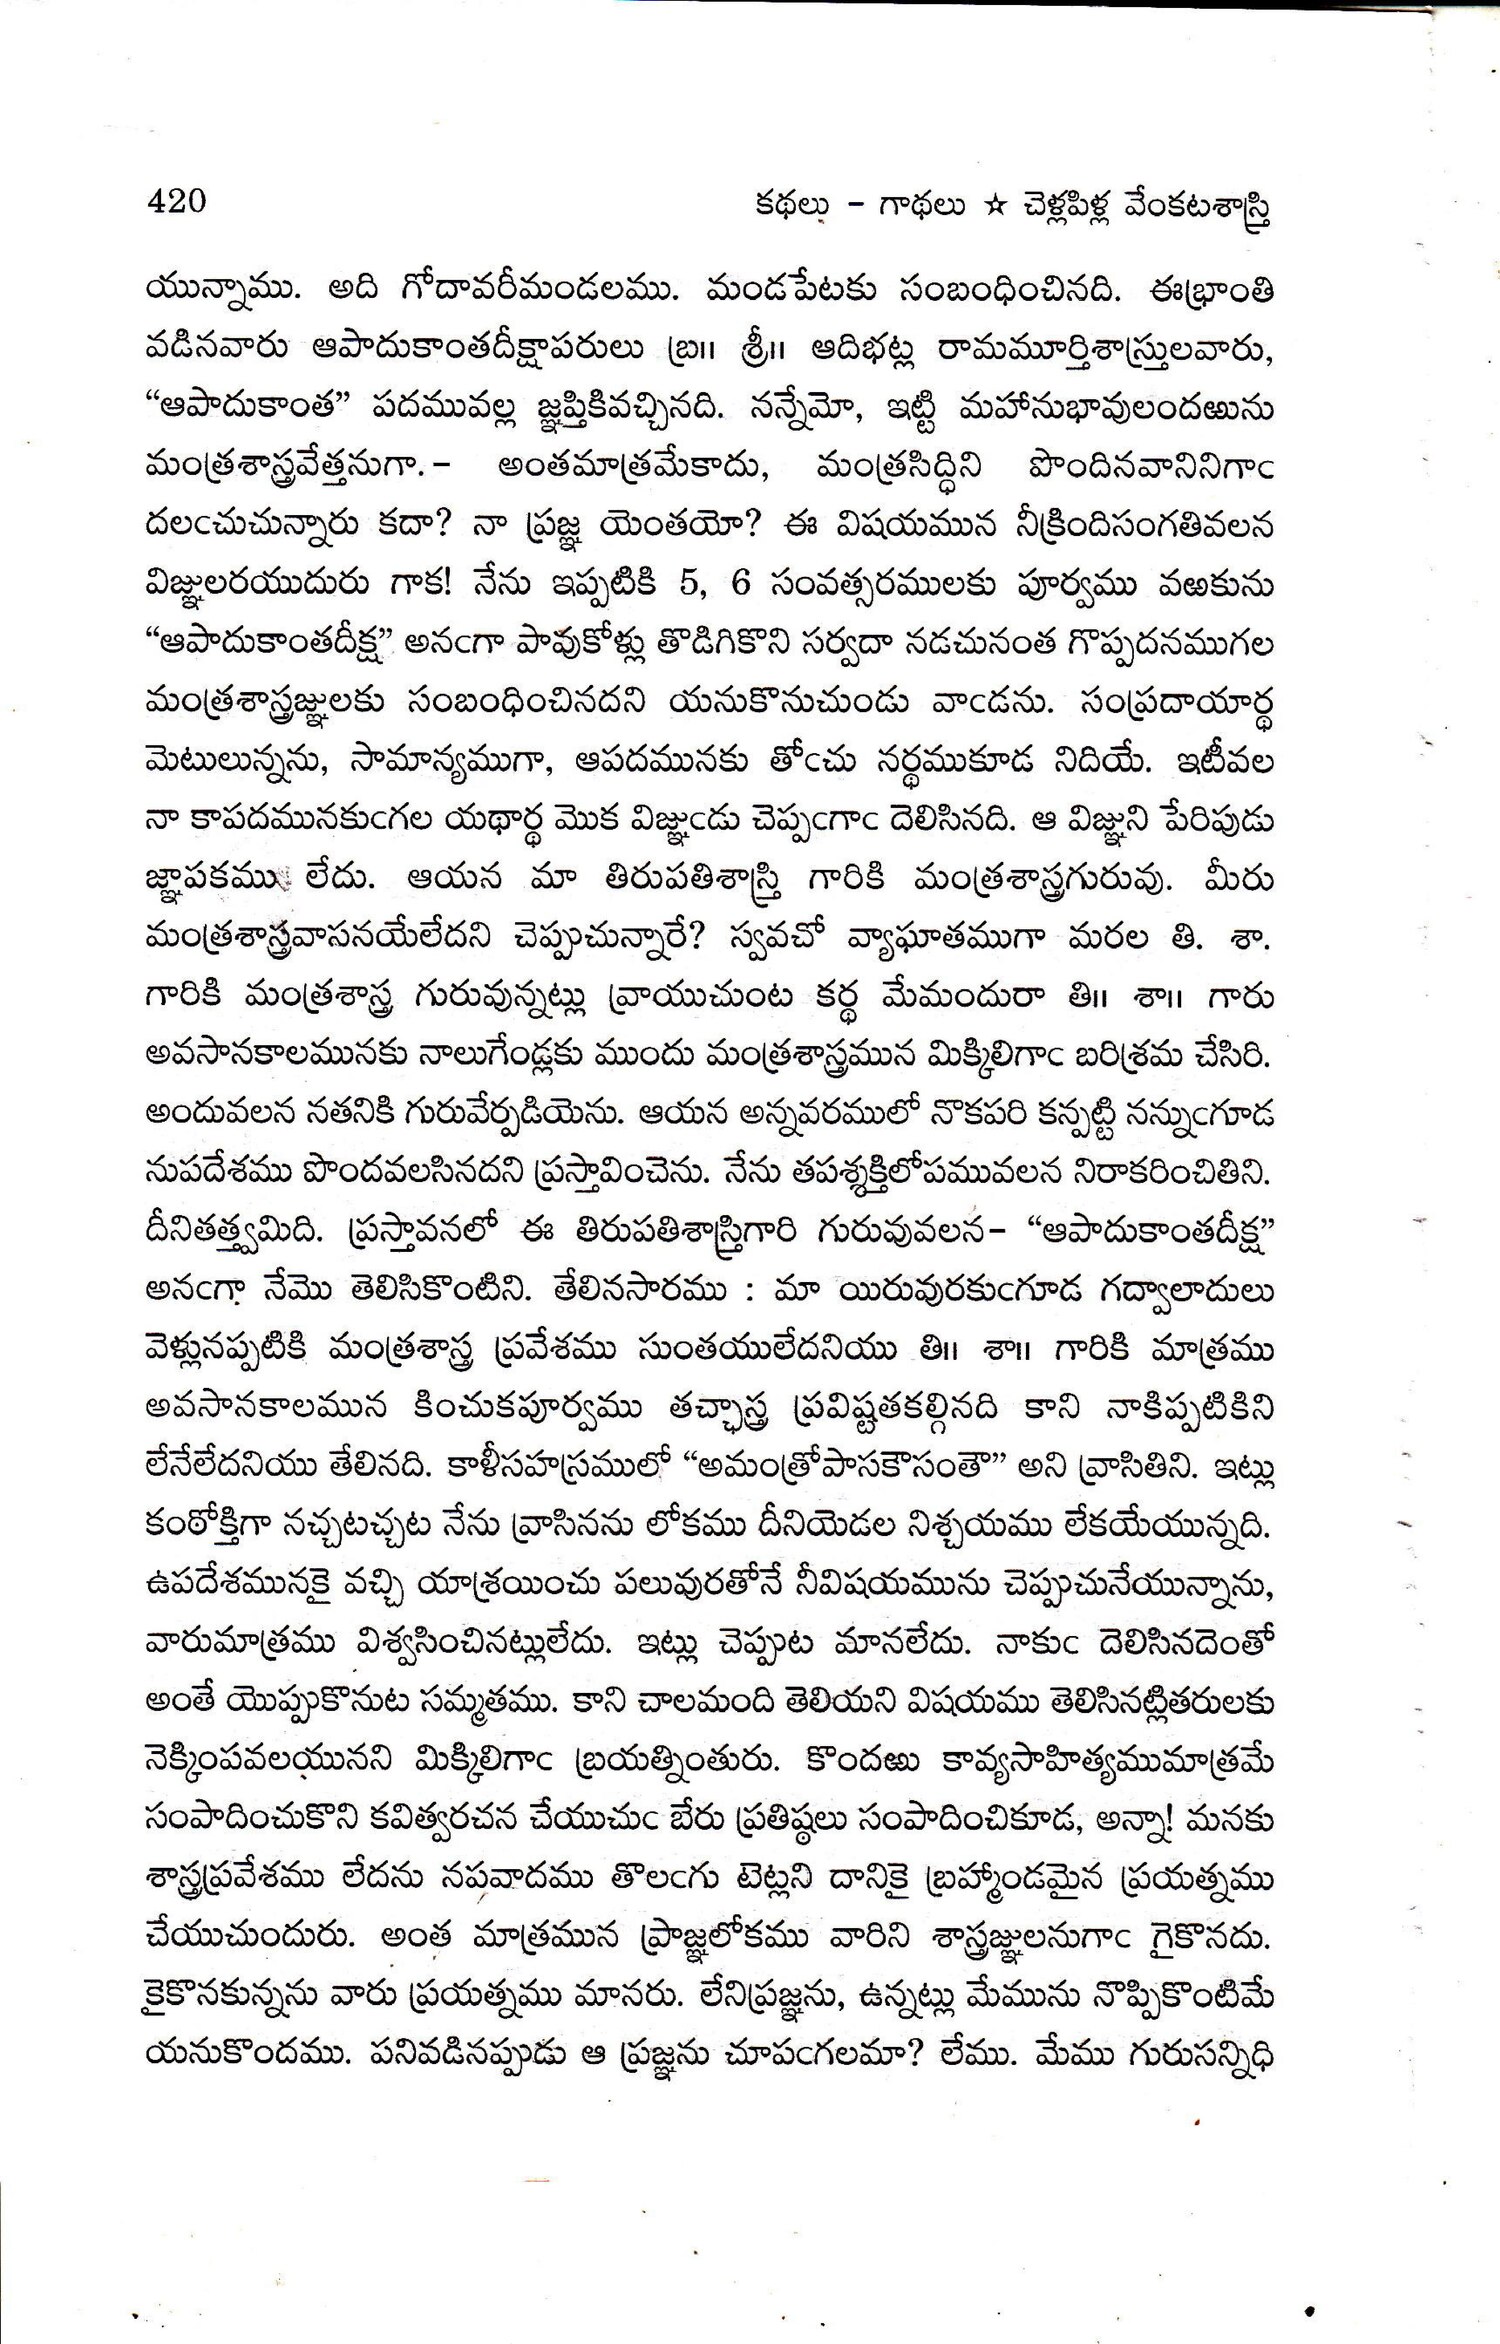యున్నాము. అది గోదావరీమండలము. మండపేటకు సంబంధించినది. ఈ భ్రాంతి వడినవారు ఆపాదుకాంతదీక్షాపరులు బ్రII శ్రీ|| ఆదిభట్ల రామమూర్తిశాస్త్రులవారు, “ఆపాదుకాంత" పదమువల్ల జ్ఞప్తికివచ్చినది. నన్నేమో, ఇట్టి మహానుభావులందఱును మంత్రశాస్త్రవేత్తనుగా. - అంతమాత్రమేకాదు, మంత్రసిద్ధిని పొందినవానినిగాc దలఁచుచున్నారు కదా? నా ప్రజ్ఞ యెంతయో? ఈ విషయమున నీక్రిందిసంగతివలన విజ్ఞులరయుదురు గాక! నేను ఇప్పటికి 5, 6 సంవత్సరములకు పూర్వము వఱకును “ఆపాదుకాంతదీక్ష" అనఁగా పావుకోళ్లు తొడిగికొని సర్వదా నడచునంత గొప్పదనముగల మంత్రశాస్త్రజ్ఞులకు సంబంధించినదని యనుకొనుచుండు వాcడను. సంప్రదాయార్థ మెటులున్నను, సామాన్యముగా, ఆపదమునకు తోఁచు నర్ధముకూడ నిదియే. ఇటీవల నా కాపదమునకుఁగల యథార్థ మొక విజ్ఞుఁడు చెప్పఁగాఁ దెలిసినది. ఆ విజ్ఞుని పేరిపుడు జ్ఞాపకము లేదు. ఆయన మా తిరుపతిశాస్త్రి గారికి మంత్రశాస్త్రగురువు. మీరు మంత్రశాస్త్రవాసనయేలేదని చెప్పుచున్నారే? స్వవచో వ్యాఘాతముగా మరల తి. శా. గారికి మంత్రశాస్త్ర గురువున్నట్లు వ్రాయుచుంట కర్థ మేమందురా తి. శా. గారు అవసానకాలమునకు నాలుగేండ్లకు ముందు మంత్రశాస్త్రమున మిక్కిలిగాఁ బరిశ్రమ చేసిరి. అందువలన నతనికి గురువేర్పడియెను. ఆయన అన్నవరములో నొకపరి కన్పట్టి నన్నుఁగూడ నుపదేశము పొందవలసినదని ప్రస్తావించెను. నేను తపశ్శక్తిలోపమువలన నిరాకరించితిని. దీనితత్త్వమిది. ప్రస్తావనలో ఈ తిరుపతిశాస్త్రిగారి గురువువలన— "ఆపాదుకాంతదీక్ష" అనఁగా నేమొ తెలిసికొంటిని. తేలినసారము : మా యిరువురకుఁగూడ గద్వాలాదులు వెళ్లునప్పటికి మంత్రశాస్త్ర ప్రవేశము సుంతయులేదనియు తి|| శాII గారికి మాత్రము అవసానకాలమున కించుకపూర్వము తచ్ఛాస్త్ర ప్రవిష్టతకల్గినది కాని నాకిప్పటికిని లేనేలేదనియు తేలినది. కాళీసహస్రములో “అమంత్రోపాసకౌసంతౌ" అని వ్రాసితిని. ఇట్లు కంరోక్తిగా నచ్చటచ్చట నేను వ్రాసినను లోకము దీనియెడల నిశ్చయము లేకయేయున్నది. ఉపదేశమునకై వచ్చి యాశ్రయించు పలువురతోనే నీవిషయమును చెప్పచునేయున్నాను, వారుమాత్రము విశ్వసించినట్లులేదు. ఇట్లు చెప్పుట మానలేదు. నాకుఁ దెలిసినదెంతో అంతే యొప్పుకొనుట సమ్మతము. కాని చాలమంది తెలియని విషయము తెలిసినట్లితరులకు నెక్కింపవలయునని మిక్కిలిగాఁ బ్రయత్నింతురు. కొందఱు కావ్యసాహిత్యముమాత్రమే సంపాదించుకొని కవిత్వరచన చేయుచుఁ బేరు ప్రతిష్ఠలు సంపాదించికూడ, అన్నా! మనకు శాస్త్రప్రవేశము లేదను నపవాదము తొలఁగు టెట్లని దానికై బ్రహ్మాండమైన ప్రయత్నము చేయుచుందురు. అంత మాత్రమున ప్రాజ్ఞలోకము వారిని శాస్త్రజ్ఞులనుగాఁ గైకొనదు. కైకొనకున్నను వారు ప్రయత్నము మానరు. లేనిప్రజ్ఞను, ఉన్నట్లు మేమును నొప్పికొంటిమే యనుకొందము. పనివడినప్పుడు ఆ ప్రజ్ఞను చూపఁగలమా? లేము. మేము గురుసన్నిధి